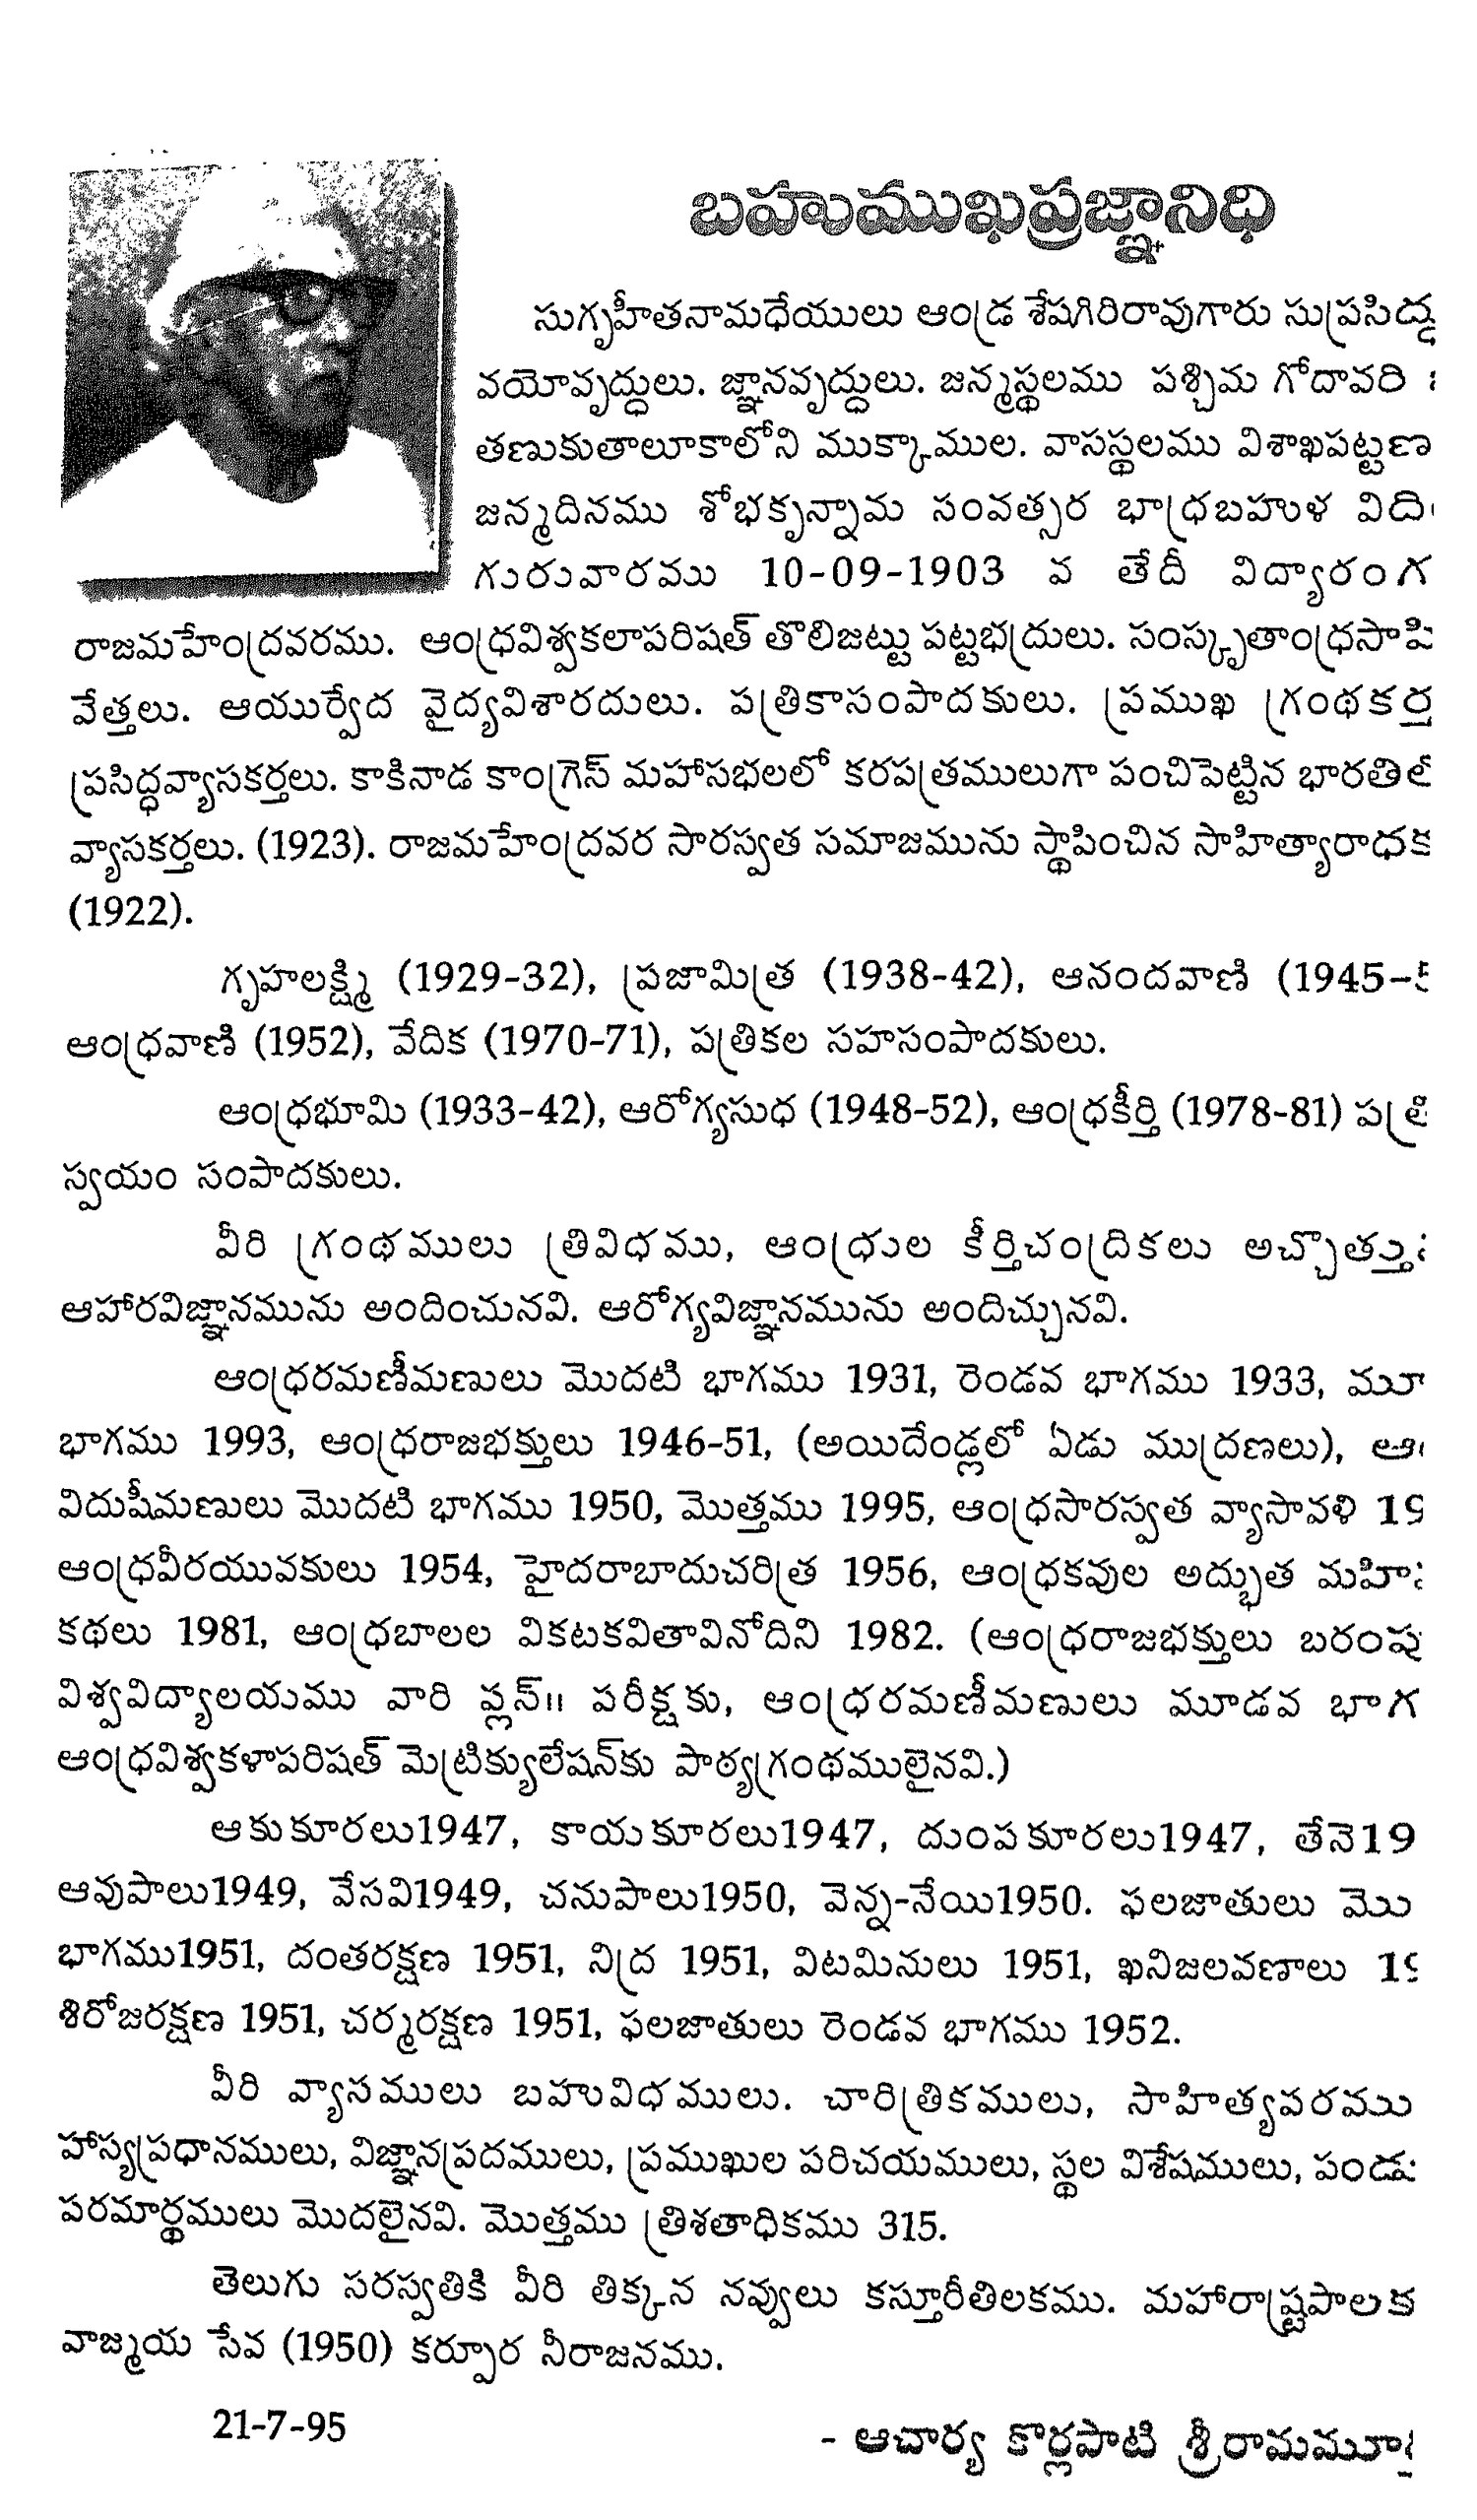స్వగృహీతనామధేయులు ఆండ్ర శేషగిరిరావుగారు సుప్రసిద్ధ వయోవృద్ధులు. జ్ఞానవృద్ధులు. జన్మస్థలము పశ్చిమ గోదావరి తణుకుతాలూకాలోని ముక్కాముల. వాసస్థలము విశాఖపట్టణ జన్మదినము శోభకృన్నామ సంవత్సర భాధ్రబహుళ విదియ గురువారము 10-9-1903 వ తేదీ విద్యారంగ రాజమహేంద్రవరము. ఆంధ్రవిశ్వకలాపరిషత్ తొలిజట్టు పట్టభద్రులు. సంస్కృతాంధ్రసాహిత్యవేత్తలు. ఆయుర్వేద వైద్యవిశారదులు. పత్రికాసంపాదకులు. ప్రముఖ గ్రంథకర్త ప్రసిద్ధవ్యాసకర్తలు. కాకినాడ కాంగ్రెస్ మహాసభలలో కరపత్రములుగా పంచిపెట్టిన భారతిలో వ్యాసకర్తలు. (1923) రాజమహేంద్రవర సారస్వత సమాజమును స్థాపించిన సాహిత్యారాధకులు (1922).

గృహలక్ష్మి (1929-32), ప్రజామిత్ర (1938-42), ఆనందవాణి (1945-?), ఆంధ్రవాణి (1952), వేదిక (1970-71), పత్రికల సహసంపాదకులు.

ఆంధ్రభూమి (1933-42), ఆరోగ్యసుధ (1948-52), ఆంధ్రకీర్తి (1978-81) పత్రిక స్వయం సంపాదకులు.

వీరి గ్రంథములు త్రివిధము, ఆంధ్రుల కీర్తిచంద్రికలు అచ్చొత్తు ఆహారవిజ్ఞానమును అందించునవి. ఆరోగ్యవిజ్ఞానమును అందిచ్చునవి.

ఆంధ్రరమణీమణులు మొదటి భాగము 1931, రెండవ భాగము 1933, మూడవ భాగము 1993, ఆంధ్రరాజభక్తులు 1946-51, (అయిదేండ్లలో ఏడు ముద్రణలు), ఆంధ్రవిదుషీమణులు మొదటి భాగము 1950, మొత్తము 1995, ఆంధ్రసారస్వత వ్యాసావళి 19, ఆంధ్రవిరయువకులు 1954, హైదరాబాదుచరిత్ర 1956, ఆంధ్రకవుల అద్భుత మహి కథలు 1981, ఆంధ్రబాలల వికటకవితావినోదిని 1982, (ఆంధ్రరాజభక్తులు బరంపురం విశ్వవిద్యాలయము వారి ప్లస్|| పరీక్షకు, ఆంధ్రరమణీమణులు మూడవ భాగము ఆంధ్రవిశ్వకళాపరిషత్ మెట్రిక్యులేషన్ కు పాఠ్యగ్రంథములైనవి.)

ఆకుకూరలు 1947, కాయకూరలు 1947, దుంపకూరలు 1947, తేనె 19--, ఆవుపాలు 1949, వేసవి 1949, చనుపాలు 1950, వెన్న-నేయి 1950. ఫలజాతులు మొదటి భాగము 1951, దంతరక్షణ 1951, నిద్ర 1951, విటమినులు 1951, ఖనిజలవణాలు 19--, శిరోజరక్షణ 1951, చర్మరక్షణ 1951, ఫలజాతులు రెండవ భాగము 1952.

వీరి వ్యాసములు బహువిధములు. చారిత్రకములు, సాహిత్యవరము హాస్యప్రధానములు, విజ్ఞానప్రదములు, ప్రముఖుల పరిచయములు, స్థల విశేషములు, పండు పరమార్థములు మొదలైనవి. మొత్తము త్రిశతాధికము 315.

తెలుగు సరస్వతికి వీరి తిక్కన కవ్వులు కస్తూరీతిలకము. మహారాష్ట్రపాలక వాజ్మయ సేవ (1950) కర్పూర నీరాజనము.

21-7-95 - ఆచార్య కొర్లపాటి శ్రీరామమూర్తి